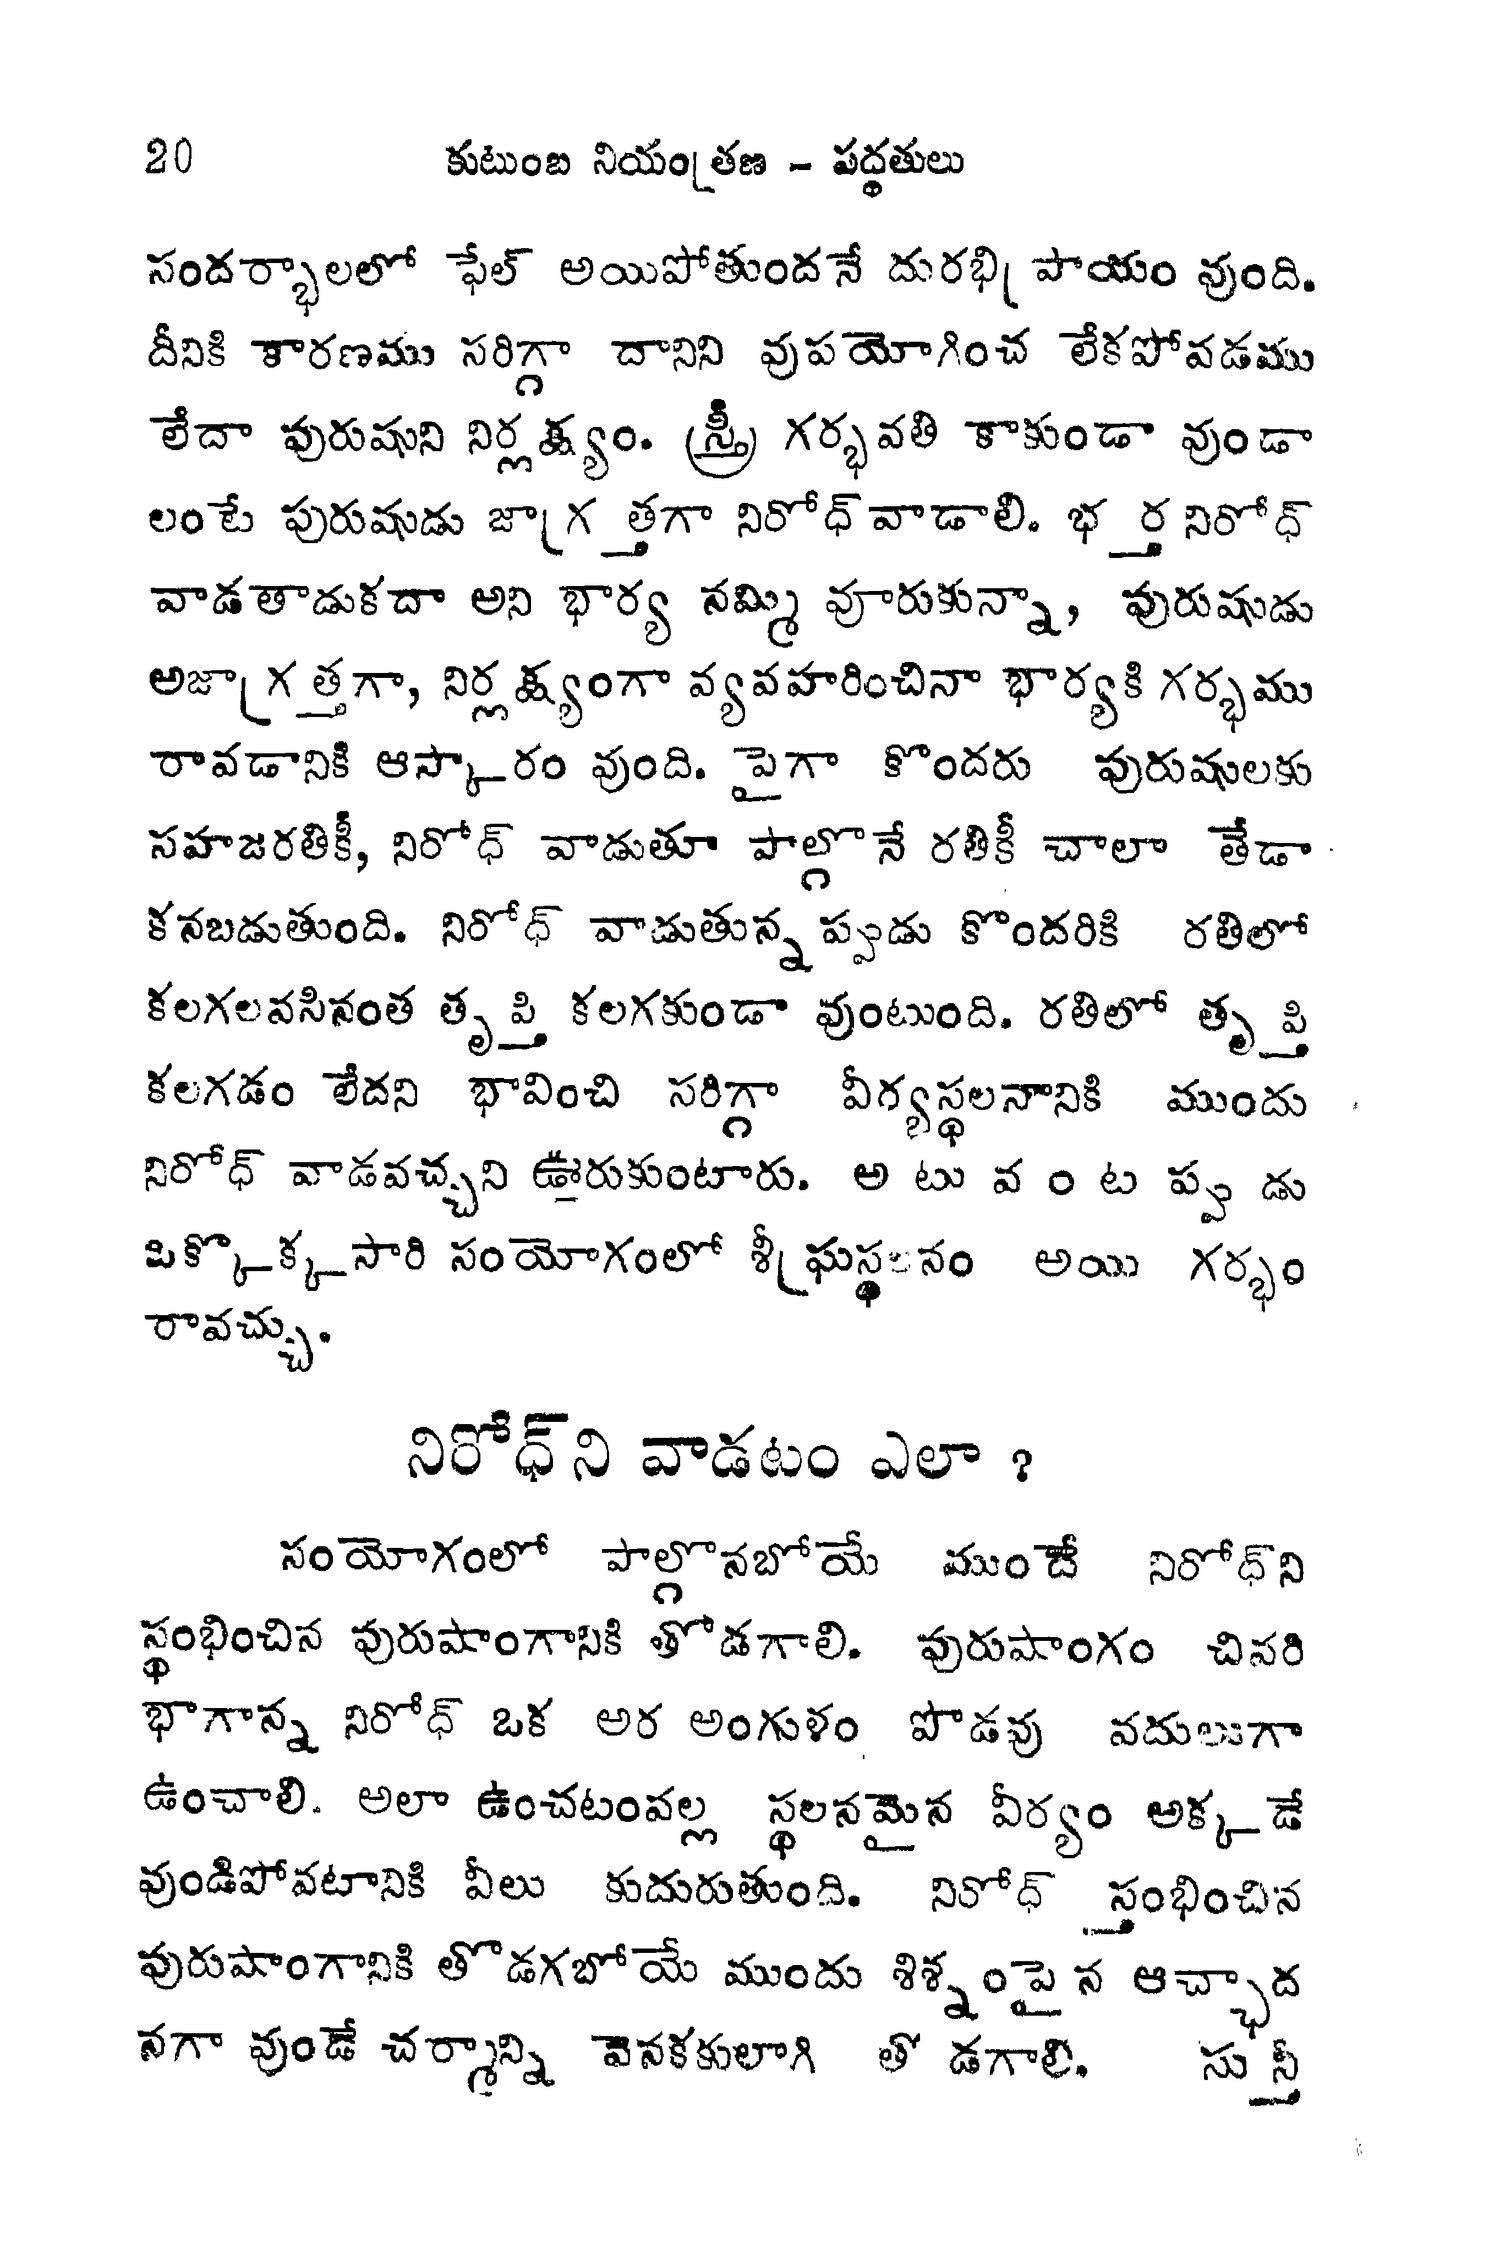సందర్భాలలో ఫేల్ అయిపోతుందనే దురభిప్రాయం వుంది. దీనికి కారణము సరిగ్గా దానిని వుపయోగించ లేకపోవడము లేదా పురుషుని నిర్లక్ష్యం. స్త్రీ గర్భవతి కాకుండా వుండాలంటే పురుషుడు జాగ్రత్తగా నిరోధ్‌వాడాలి. భర్త నిరోధ్ వాడతాడుకదా అని భార్య నమ్మి వూరుకున్నా, పురుషుడు అజాగ్రత్తగా, నిర్లక్ష్యంగా వ్యవహిరించినా భార్యకి గర్భము రావడానికి ఆస్కారం వుంది. పైగా కొందరు పురుషులకు సహజరతికీ, నిరోధ్ వాడుతూ పాల్గొనే రతికీ చాలా తేడా కనబడుతుంది. నిరోధ్ వాడుతున్నప్పుడు కొందరికి రతిలో కలగలవసినంత తృప్తి కలగకుండా వుంటుంది. రతిలో తృప్తి కలగడం లేదని భావించి సరిగ్గా వీర్యస్థలనానికి ముందు నిరోధ్ వాడవచ్చని ఊరుకుంటారు. అటువంటప్పుడు ఒక్కొక్కసారి సంయోగంలో శీఘ్రస్థలనం అయి గర్భం రావచ్చు.

సంయోగంలో పాల్గొనబోయే ముందే నిరోధ్‌ని స్థంభించిన పురుషాంగానికి తొడగాలి. పురుషాంగం చివరి భాగాన్న నిరోధ్ ఒక అర అంగుళం పొడవు వదులుగా ఉంచాలి. అలా ఉంచటంవల్ల స్థలనమైన వీర్యం అక్కడే వుండిపోవటానికి వీలు కుదురుతుంది. నిరోధ్ స్తంభించిన పురుషాంగానికి తొడగబోయే ముందు శిశ్నంపైన ఆచ్చాదనగా వుండే చర్మాన్ని వెనకకులాగి తొడగాలి. సున్తీ